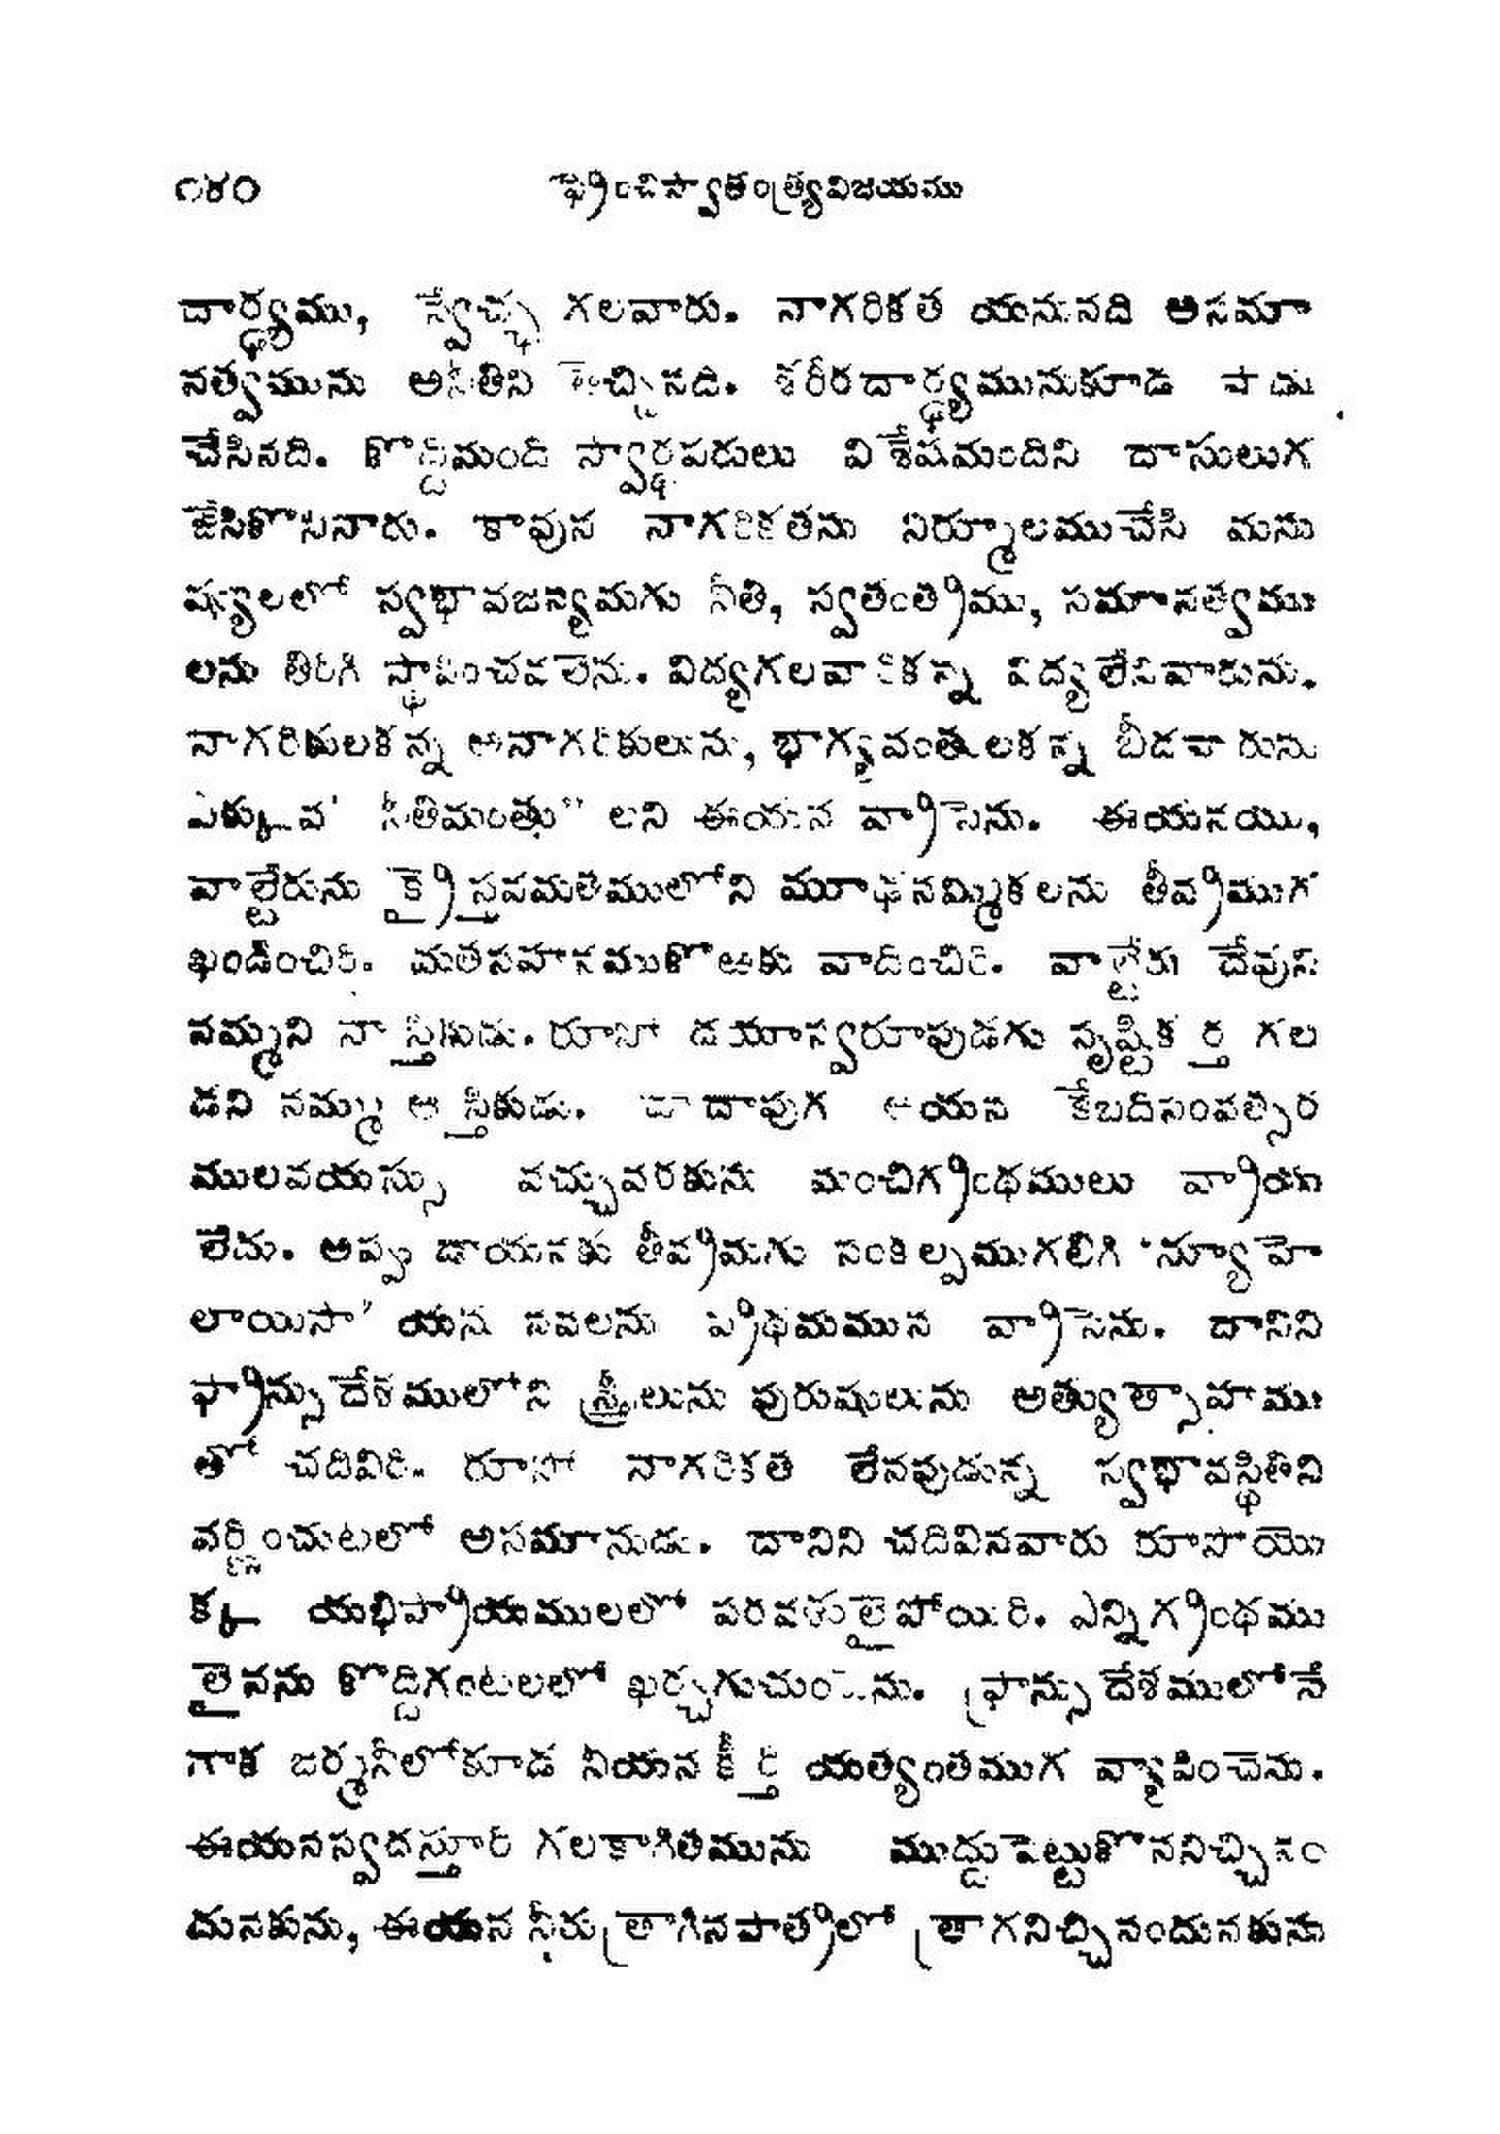దార్థ్యము, 'స్వేచ్ఛ గలవారు. నాగరికత యనునది అసమా
నత్వమును అవినినీతిని తెచ్చినది. శరీరదాఢ్యమునుకూడ పాడు
చేసినది. కొద్దిమంది స్వార్థపరులు విశేష మందిని దాసులుగ
జేసికొనినారు. కావున నాగరికతను నిర్మూలము చేసి మసు
ష్యూలలో స్వభావసహజమగు నీతి, స్వతంత్రము, సమానత్వము
లను తిరిగి స్థాపించవలెను.. విద్యగలవారి కన్న విద్య లేనివారును,
నాగరికులకన్న అనాగరికులును , భాగ్యవంతులకన్న బీదవారును
ఎక్కువ నీతిమంతు" లని ఈయన వ్రాసెను. ఈయనయు,
వాల్టేరును క్రైస్తవములోని మూఢ నమ్మిక లను తీవ్రముగ
ఖండించిరి. మత సహనము కొరకు వాదించిరి. వాల్టేరు దేవుని
నమ్మని నాస్తికుడు . రూసో దయాస్వరూపుడగు సృష్టికర్త గల
డని నమ్ము ఆస్తీకుడు. - దాదాపుగ ఆయన కేబది సంవత్సర
ములవయస్సు వచ్చువరకును మంచిగ్రంథములు వ్రాయ
లేదు. అప్పుడాయనకు తీవ్రమగు సంకల్పముగలిగి 'న్యూ హె
లాయిసా' యన సపలను ప్రధమమున వ్రాసెను. దానిని
ఫ్రాన్సు దేశములోని స్త్రీలును పురుషులును అత్యుత్సాహము
తో చదివిరి. రూసో నాగరికత లేనపుడున్న స్వభావస్థితిని
వర్ణించుటలో అసమానుడు. దానిని చదివినవారు రూసో యె
క్క యభిప్రాయములలో పరవశులై పోయి... ఎన్ని గ్రంథము
లైనను కొద్దిగంటలలో ఖర్చగుచుండెను. ఫ్రాన్సు దేశములోనే
గాక జర్మనీలోకూడ నీయస కీ ర్తి యత్యంతముగ వ్యాపించెను .
ఈయన స్వదస్తూరి గలకాగితమును ముద్దు పెట్టుకొననిచ్చినం
దునకును, ఈయన నీరు త్రాగిన పాత్రలో త్రాగనిచ్చినందునకును